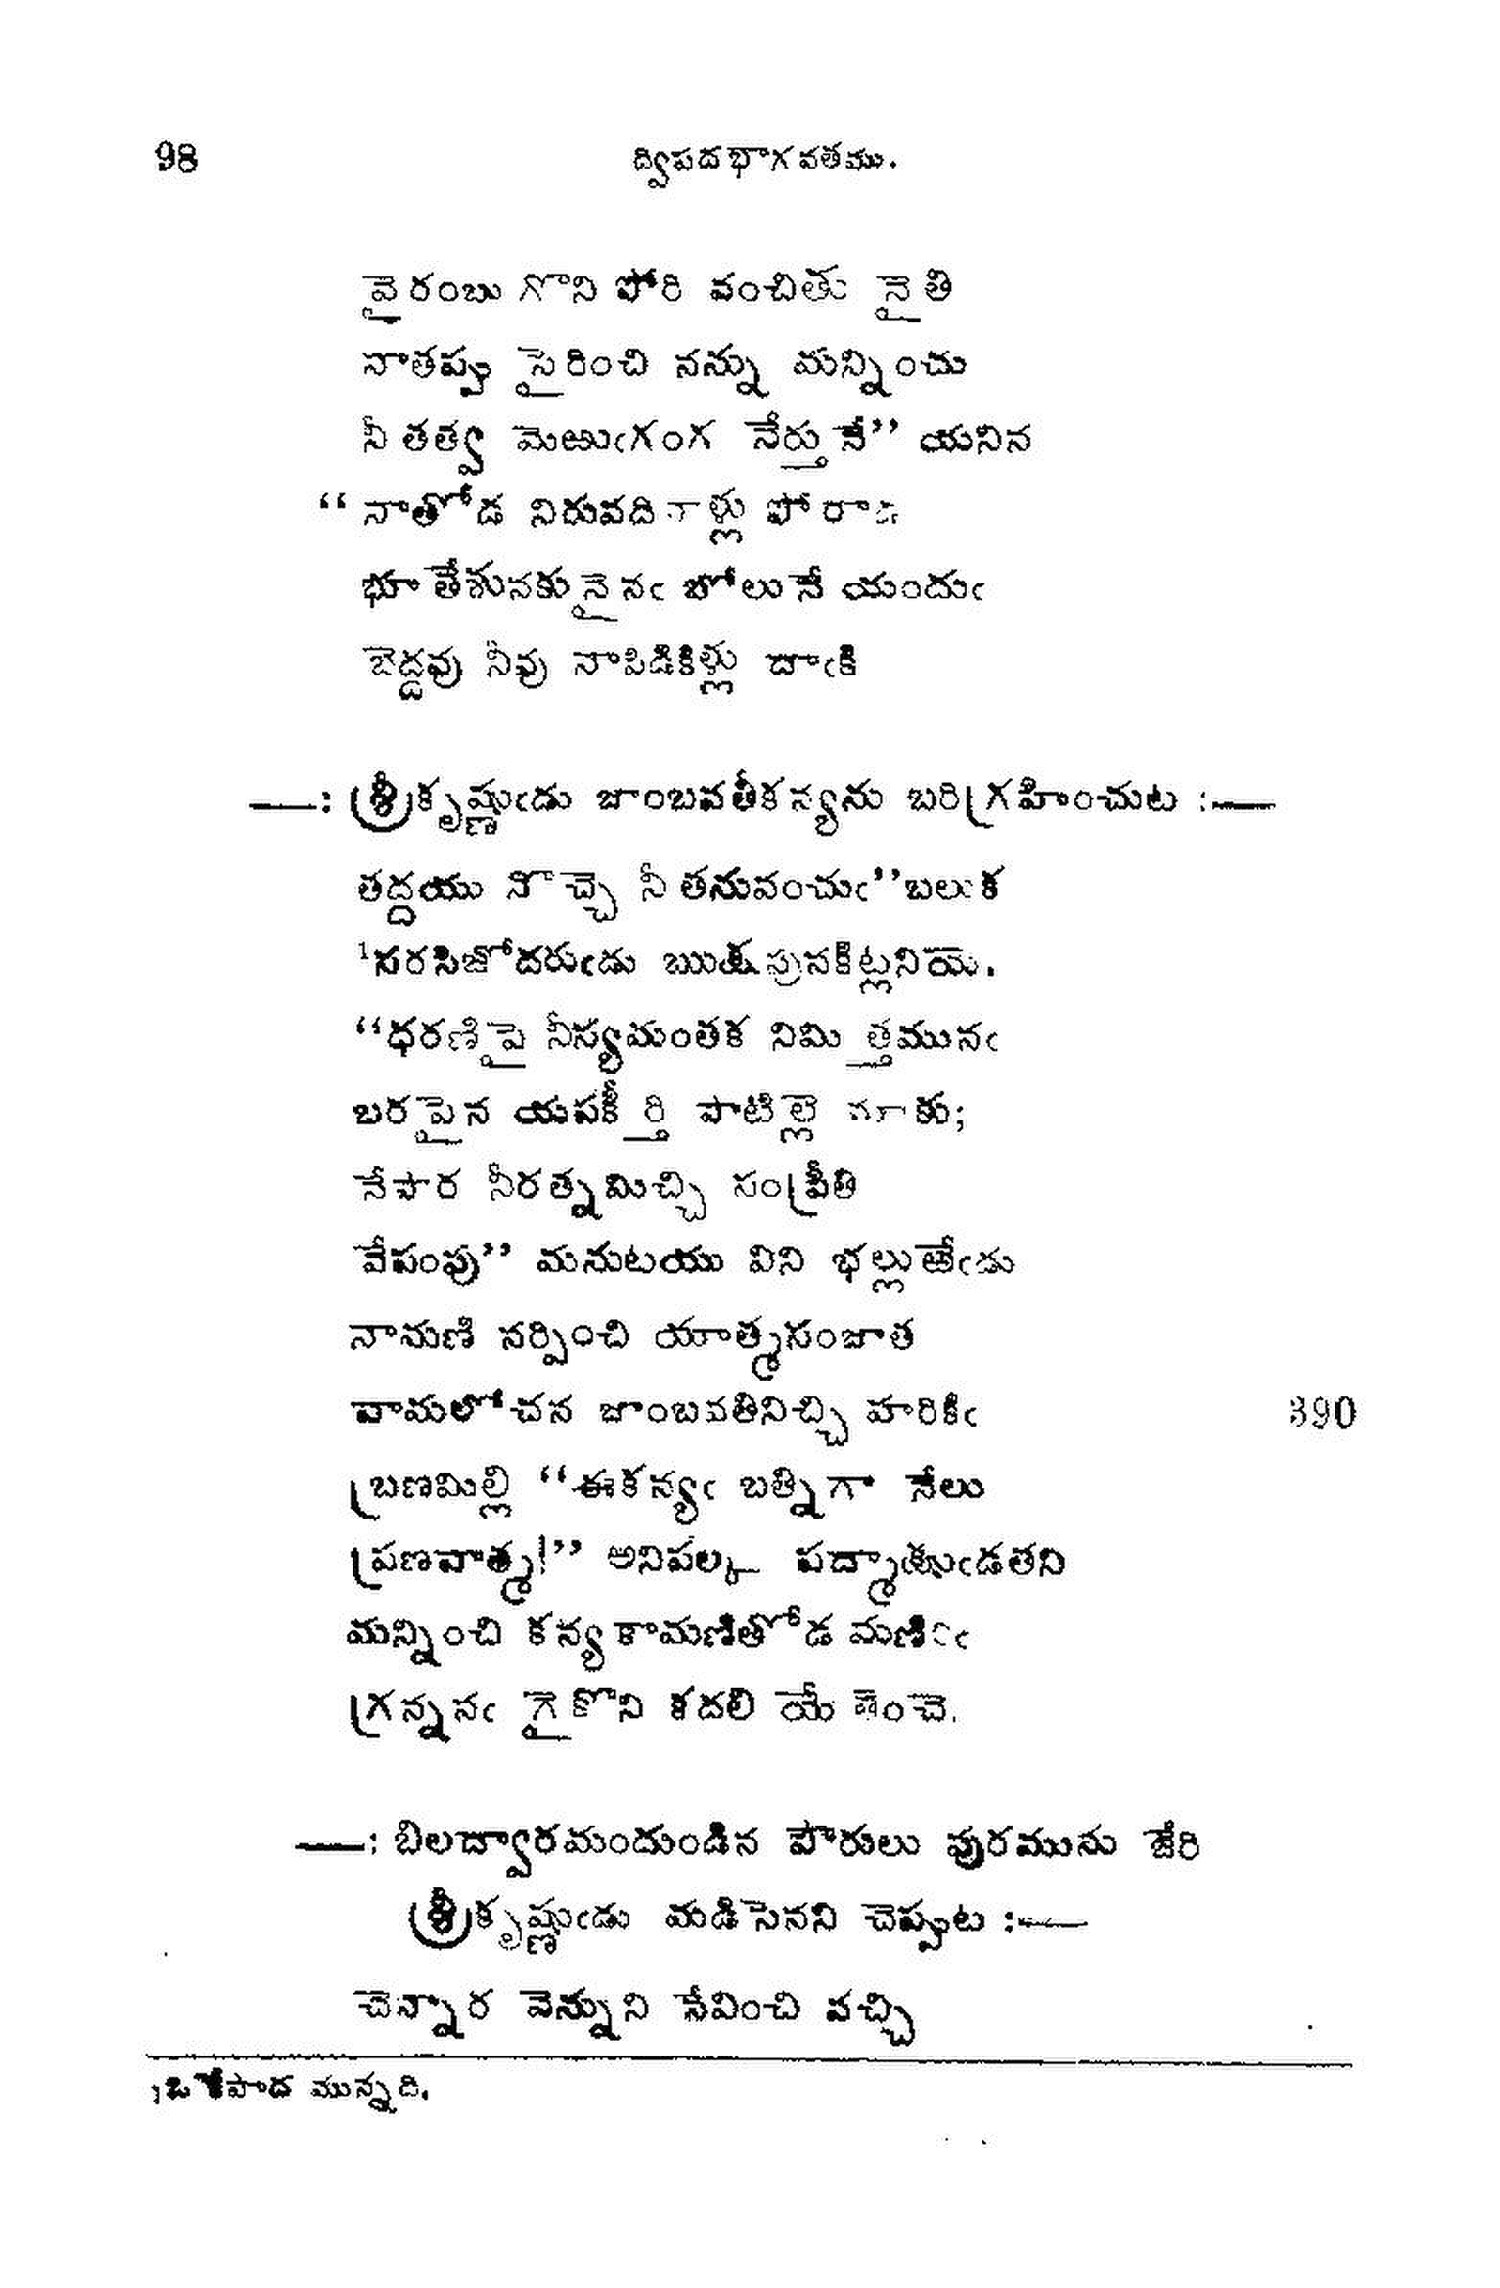వైరంబు గొని పోరి వంచితు నైతి
నాతప్పు సైరించి నన్ను మన్నించు
నీ తత్వ మెఱుఁగంగ నేర్తునే” యనిన
“నాతోడ నిరువదినాళ్లు పోరాడ
భూతేశునకు నైనఁ బోలునే యందుఁ
బెద్దవు నీవు నాపిడికిళ్లు దాఁకి

తద్దయు నొచ్చె నీ తను"వంచుఁ బలు క
సరసిజోదరుఁడు ఋక్షపున కిట్లనియె.
“ధరణిపై నీస్యమంతక నిమిత్తమునఁ
బరపైన యపకీర్తి పాటిల్లె మాకు;
నేపార నీరత్న మిచ్చి సంప్రీతి
వేపంపు” మనుటయు విని భల్లుఱేఁడు
నామణి నర్పించి యాత్మసంజాత
వామలోచన జాంబవతినిచ్చి హరికిఁ
బ్రణమిల్లి “ఈకన్యఁ బత్నిగా నేలు
ప్రణవాత్మ!" అనిపల్క, పద్మాక్షుఁ డతని
మన్నించి కన్యకామణితోడ మణి
గ్రన్ననఁ గైకొని కదలి యేతెంచె.

చెన్నార వెన్నుని సేవించి వచ్చి